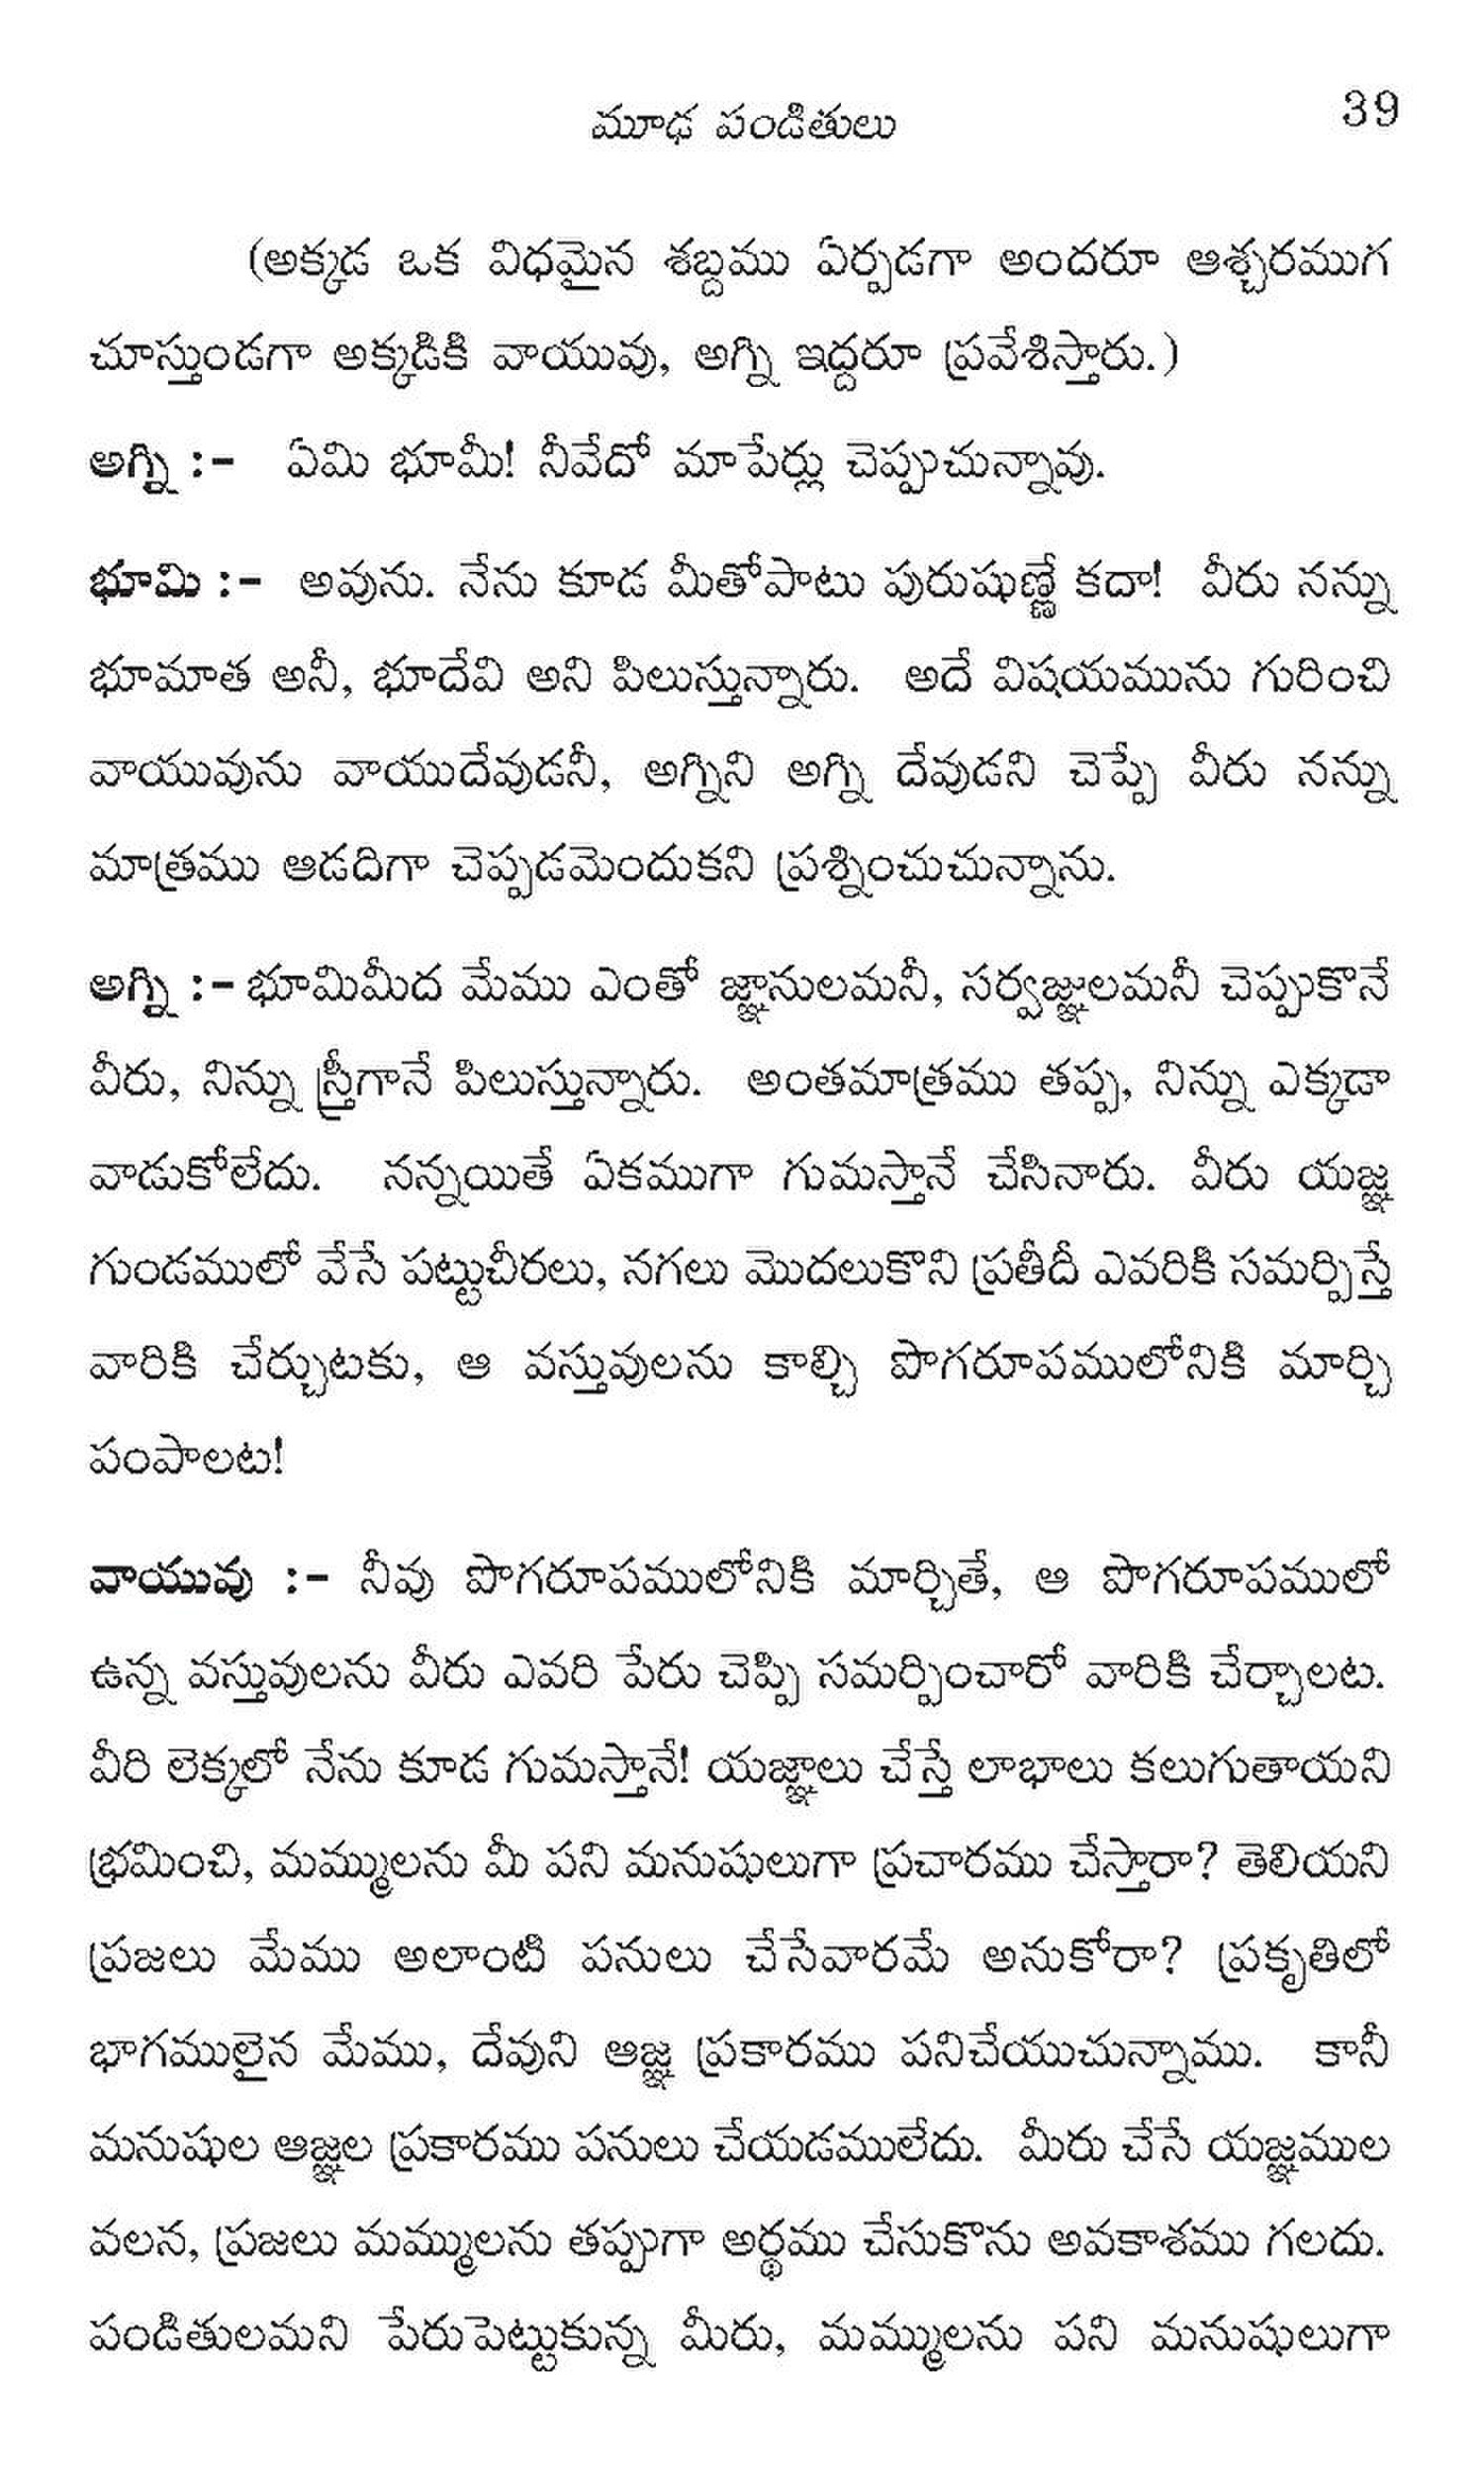(అక్కడ ఒక విధమైన శబ్దము ఏర్పడగా అందరూ ఆశ్చరముగ చూస్తుండగా అక్కడికి వాయువు, అగ్ని ఇద్దరూ ప్రవేశిస్తారు.)

అగ్ని :- ఏమి భూమీ! నీవేదో మాపేర్లు చెప్పుచున్నావు.

భూమి :- అవును. నేను కూడ మీతోపాటు పురుషుణ్ణే కదా! వీరు నన్ను భూమాత అనీ, భూదేవి అని పిలుస్తున్నారు. అదే విషయమును గురించి వాయువును వాయుదేవుడనీ, అగ్నిని అగ్ని దేవుడని చెప్పే వీరు నన్ను మాత్రము ఆడదిగా చెప్పడమెందుకని ప్రశ్నించుచున్నాను.

అగ్ని :-	భూమిమీద మేము ఎంతో జ్ఞానులమనీ, సర్వజ్ఞులమనీ చెప్పుకొనే వీరు, నిన్ను స్త్రీగానే పిలుస్తున్నారు. అంతమాత్రము తప్ప, నిన్ను ఎక్కడా వాడుకోలేదు. నన్నయితే ఏకముగా గుమస్తానే చేసినారు. వీరు యజ్ఞ గుండములో వేసే పట్టుచీరలు, నగలు మొదలుకొని ప్రతీదీ ఎవరికి సమర్పిస్తే వారికి చేర్చుటకు, ఆ వస్తువులను కాల్చి పొగరూపములోనికి మార్చి పంపాలట!

వాయువు :- నీవు పొగరూపములోనికి మార్చితే, ఆ పొగరూపములో ఉన్న వస్తువులను వీరు ఎవరి పేరు చెప్పి సమర్పించారో వారికి చేర్చాలట. వీరి లెక్కలో నేను కూడ గుమస్తానే! యజ్ఞాలు చేస్తే లాభాలు కలుగుతాయని భ్రమించి, మమ్ములను మీ పని మనుషులుగా ప్రచారము చేస్తారా? తెలియని ప్రజలు మేము అలాంటి పనులు చేసేవారమే అనుకోరా? ప్రకృతిలో భాగములైన మేము, దేవుని ఆజ్ఞ ప్రకారము పనిచేయుచున్నాము. కానీ మనుషుల ఆజ్ఞల ప్రకారము పనులు చేయడములేదు. మీరు చేసే యజ్ఞముల వలన, ప్రజలు మమ్ములను తప్పుగా అర్థము చేసుకొను అవకాశము గలదు. పండితులమని పేరుపెట్టుకున్న మీరు, మమ్ములను పని మనుషులుగా